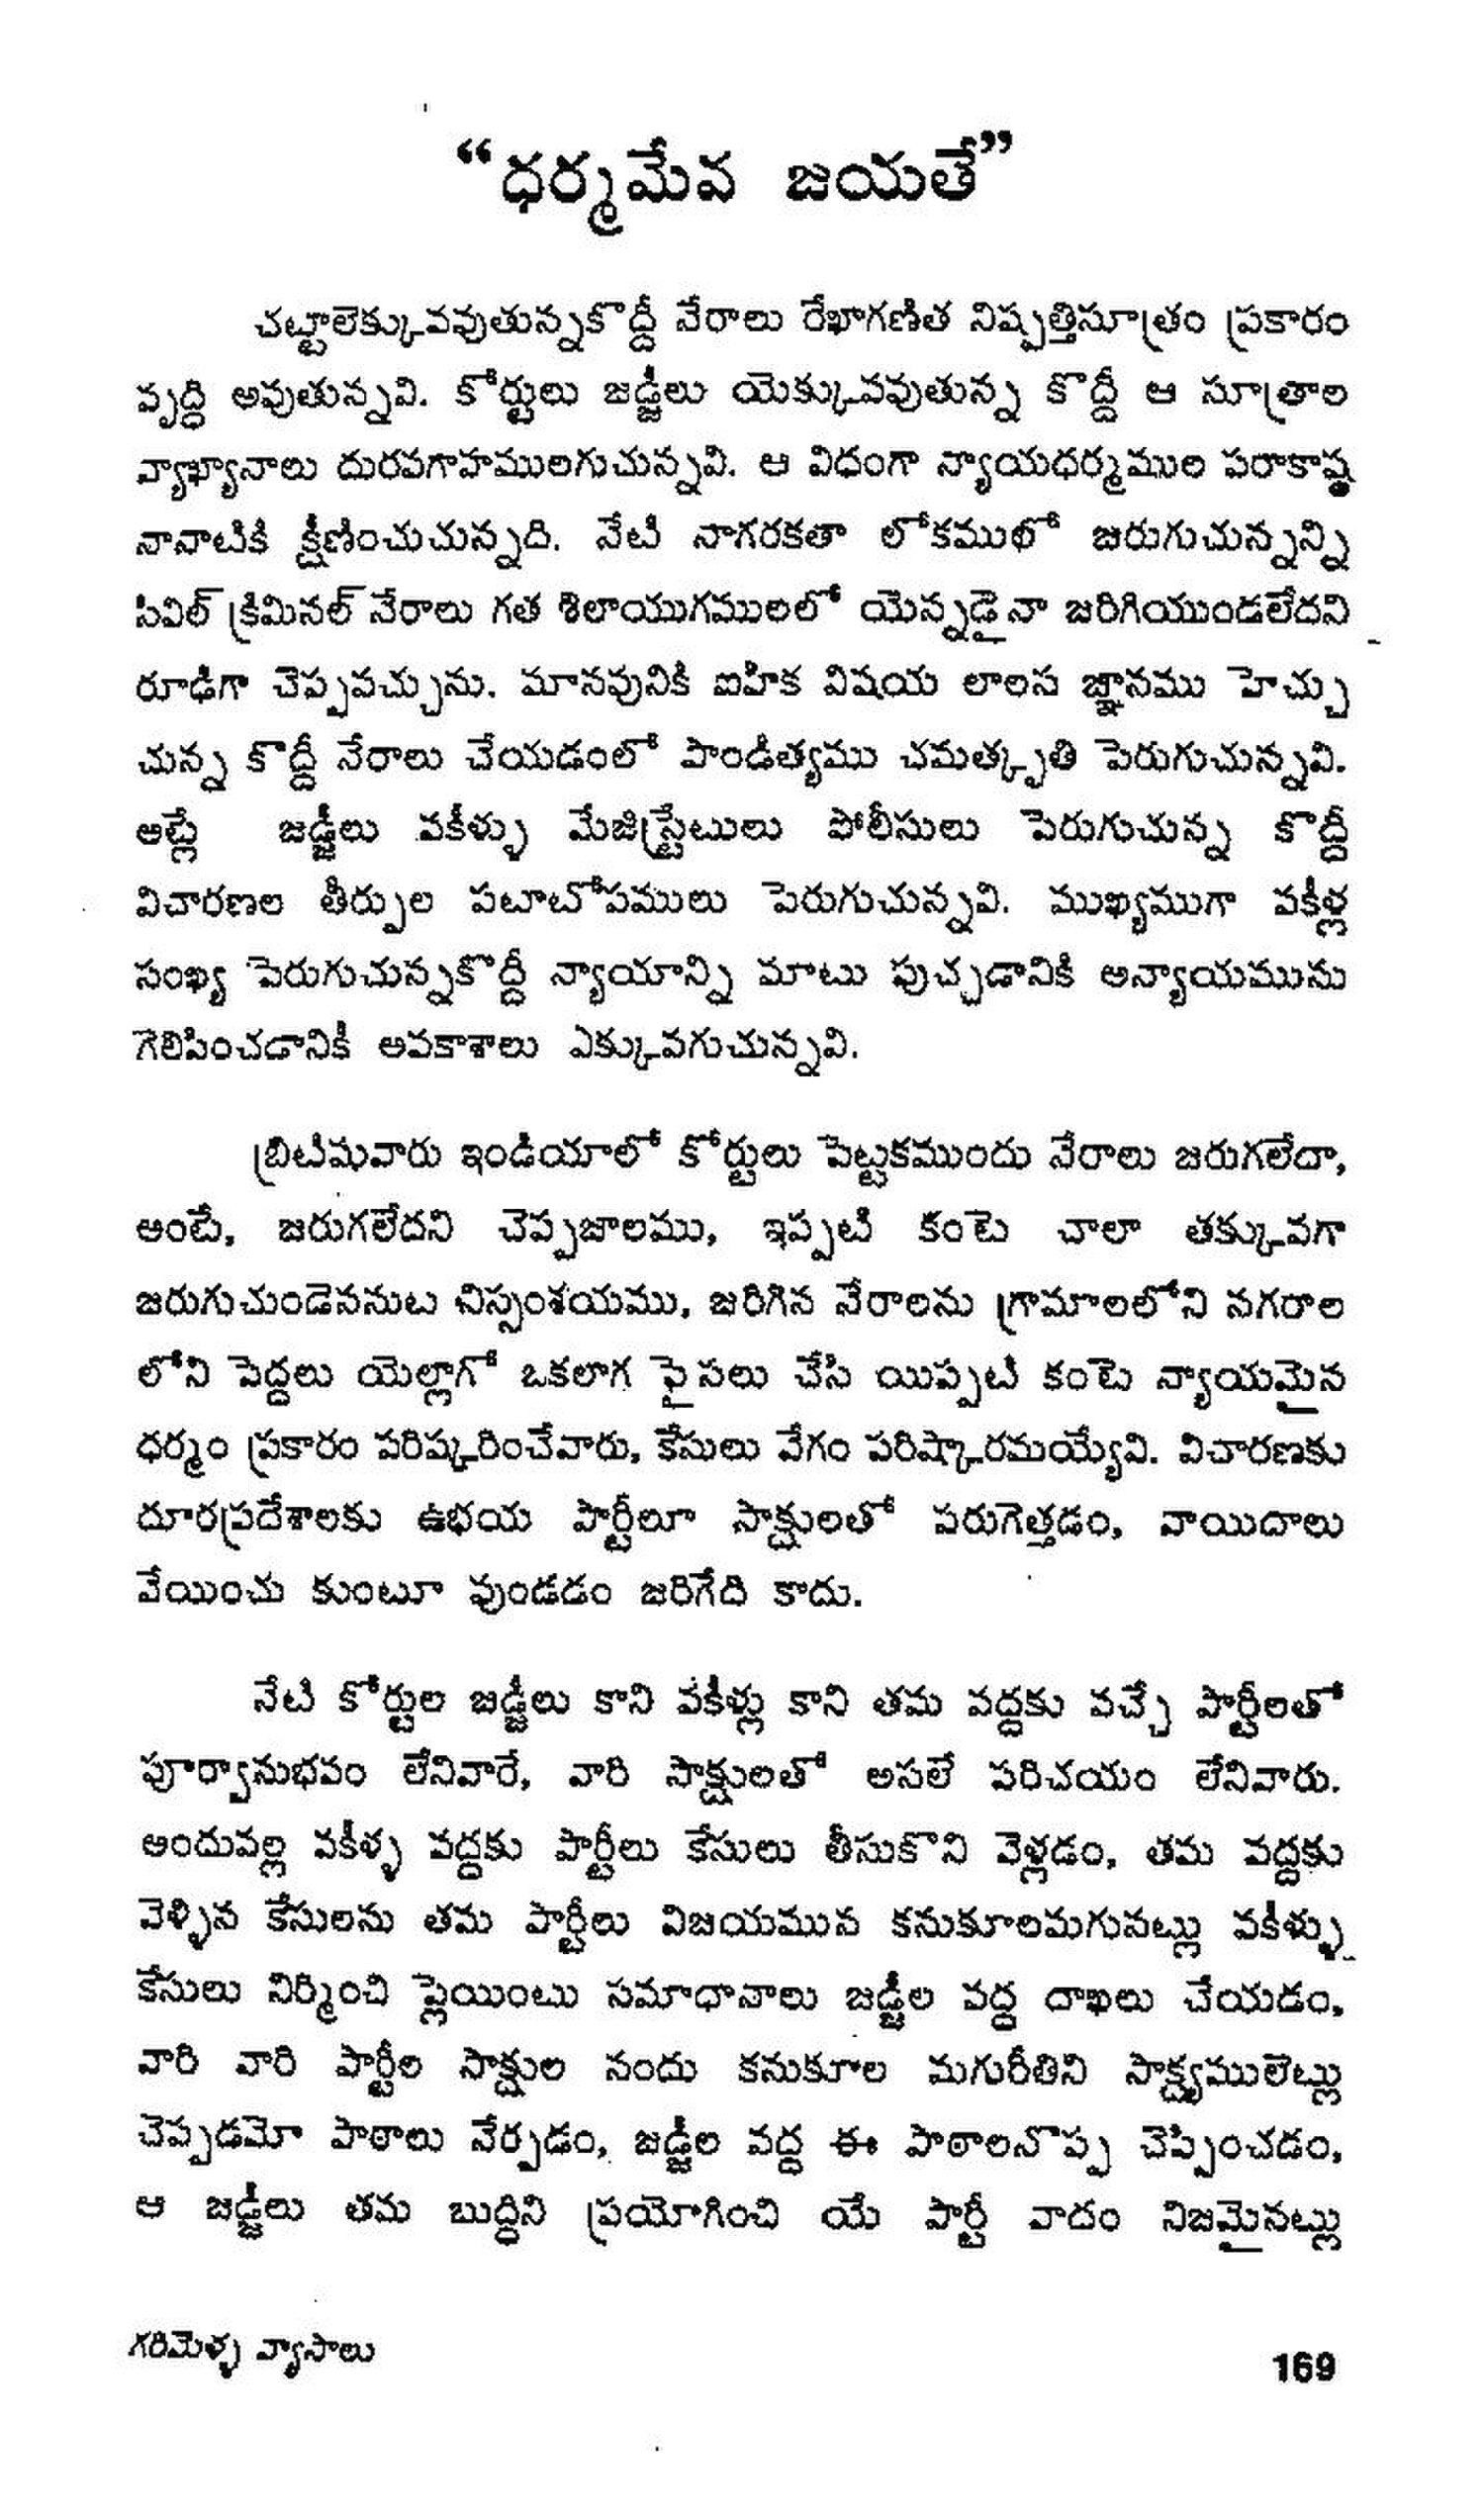"ధర్మమేవ జయతే"
 
చట్టాలెక్కువవుతున్నకొద్దీ నేరాలు రేఖాగణిత నిష్పత్తిసూత్రం ప్రకారం వృద్ధి అవుతున్నవి. కోర్టులు జడ్జీలు యెక్కువవుతున్న కొద్దీ ఆ సూత్రాల వ్యాఖ్యానాలు దురవగాహములగుచున్నవి. ఆవిధంగా న్యాయధర్మముల పరాకాష్ఠ నానాటికీ క్షీణించుచున్నది. నేటి నాగరికతా లోకములో జరుగుచున్నన్ని సివిల్ క్రిమినల్ నేరాలు గత శిలాయుగములలో యెన్నడైనా జరిగియుండలేదని రూఢిగా చెప్పవచ్చును. మానవునికి ఐహిక విషయ లాలస జ్ఞానము హెచుచున్న కొద్దీ నేరాలు చేయడంలో పాండిత్యము చమత్కృతి పెరుగుచున్నవి. అట్లే జడ్జీలు వకీళ్ళు మేజిస్ట్రేటులు పోలీసులు పెరుగుచున్న కొద్దీ విచారణల తీర్పుల పటాటోపములు పెరుగుచున్నవి. ముఖ్యముగా వకీళ్ల సంఖ్య పెరుగుచున్నకొద్దీ న్యాయాన్ని మాటు పుచ్చడానికి అన్యాయమును గెలిపించడానికి అవకాశాలు ఎక్కువగుచున్నవి.

బ్రిటీషువారు ఇండియాలో కోర్టులు పెట్టకముందు నేరాలు జరుగ లేదా, అంటే జరుగలేదని చెప్పజాలము. ఇప్పటి కంటె చాలా తక్కువగా జరుగుచుండెననుట నిస్సంశయము. జరిగిన నేరాలను గ్రామాలలోని నగరాలలోని పెద్దలు యెల్లాగో ఒకలాగ ఫైసలు చేసి యిప్పటి కంటె న్యాయమైన ధర్మం ప్రకారం పరిష్కరించేవారు. కేసులు వేగం పరిష్కారమయ్యేవి. విచారణకు దూరప్రదేశాలకు ఉభయ పార్టీలూ సాక్షులతో పరుగెత్తడం, వాయిదాలు వేయించు కుంటూ వుండడం జరిగేది కాదు.

నేటి కోర్టుల జడ్జీలు కాని వకీళ్లు కాని తమ వద్దకు వచ్చే పార్టీలతో పూర్వానుభవం లేనివారే. వారి సాక్షులతో అసలే పరిచయం లేనివారు. అందువల్ల వకీళ్ళ వద్దకు పార్టీలు కేసులు తీసుకొని వెళ్లడం. తమ వద్దకు వెళ్ళిన కేసులను తమ పార్టీలు విజయమున కనుకూలమగునట్లు వకీళ్ళు కేసులు నిర్మించి ప్లెయింటు సమాధానాలు జడ్జీల వద్ద దాఖలు చేయడం, వారి వారి పార్టీల సాక్షుల నందు కనుకూల మగురీతిని సాక్ష్యములెట్లు చెప్పడమో పాఠాలు నేర్పడం, జడ్జీల వద్ద ఈ పాఠాలనొప్ప చెప్పించడం, ఆ జడ్జీలు తమ బుద్దిని ప్రయోగించి యే పార్టీ వాదం నిజమైనట్లు